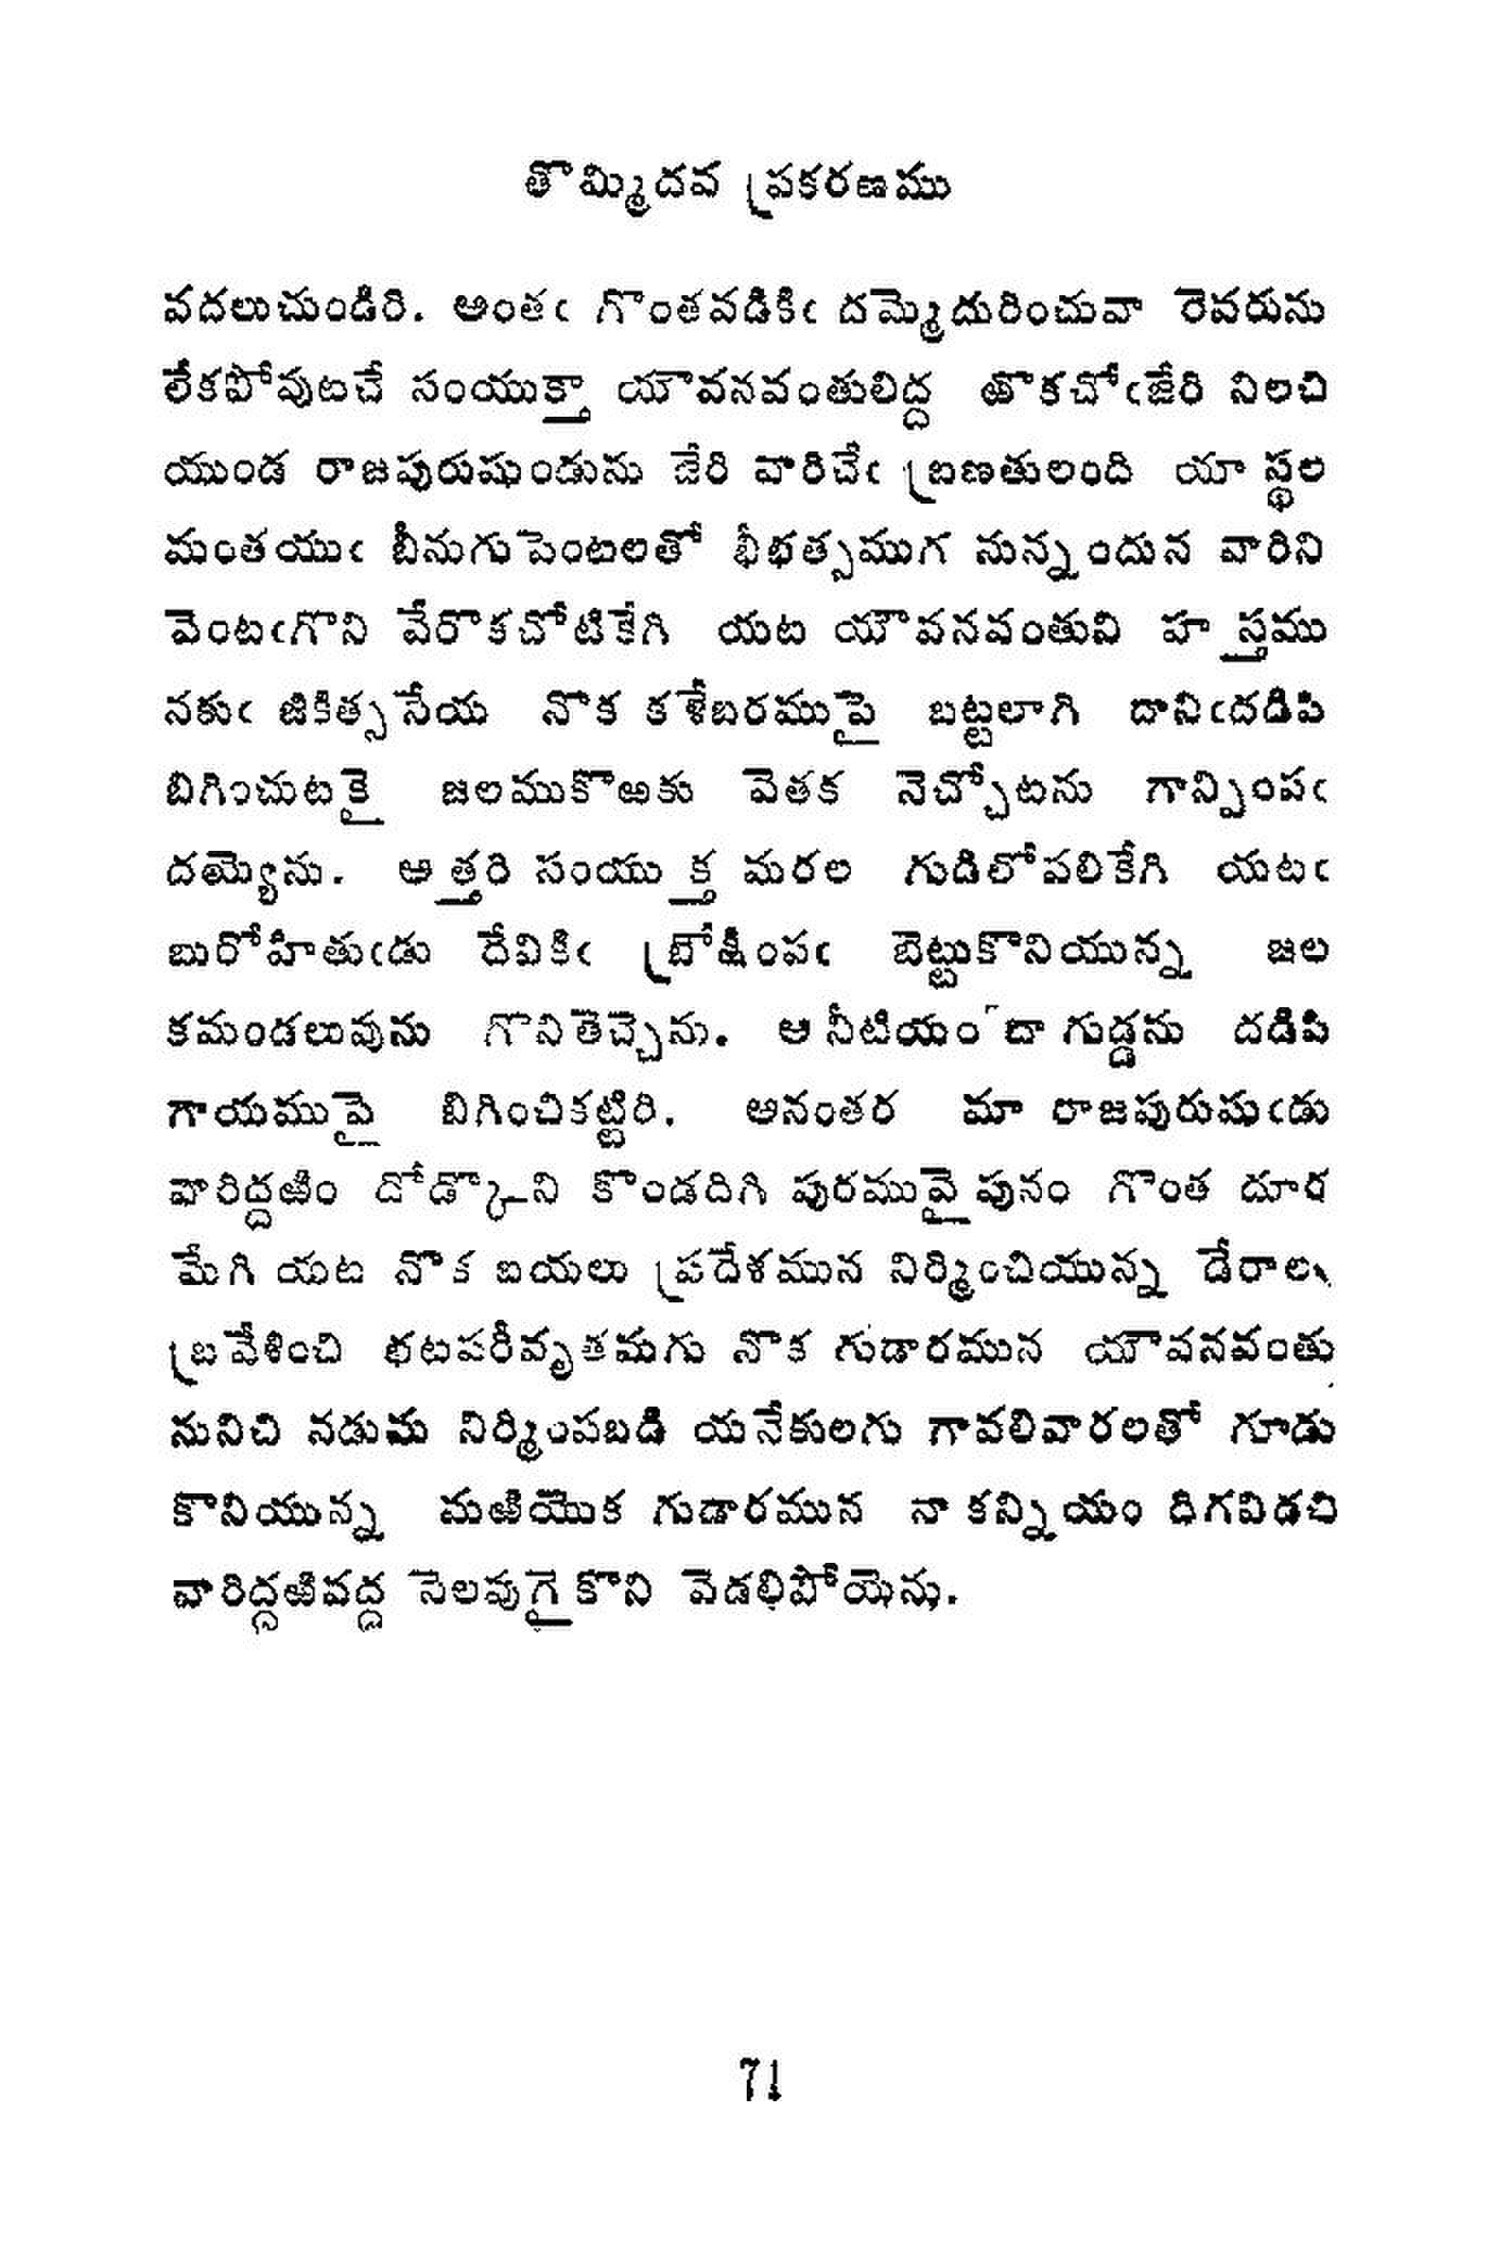వదలుచుండిరి. అంతఁ గొంతవడికిఁ దమ్మెదురించువా రెవరును లేకపోవుటచే సంయుక్తా యౌవనవంతులిద్ద ఱొకచోఁజేరి నిలచియుండ రాజపురుషుండును జేరి వారిచేఁ బ్రణతులంది యా స్థలమంతయుఁ బీనుగుపెంటలతో భీభత్సముగ నున్నందున వారిని వెంటఁగొని వేరొకచోటికేగి యట యౌవనవంతుని హస్తమునకు చికిత్ససేయ నొక కళేబరముపై బట్టలాగి దానిఁదడిపి బిగించుటకై జలముకొఱకు వెతక నెచ్చోటను గాన్పింపఁదయ్యెను. అత్తరి సంయుక్త మరల గుడిలోపలికేగి యటఁ బురోహితుఁడు దేవికిఁ బ్రోక్షింపఁ బెట్టుకొనియున్న జల కమండలువును గొనితెచ్చెను. ఆ నీటియం దా గుడ్డను దడిపి గాయముపై బిగించికట్టిరి. అనంతర మా రాజపురుషుఁడు వారిద్దఱిం దోడ్కొని కొండదిగి పురమువైపునం గొంత దూర మేగి యట నొక బయలు ప్రదేశమున నిర్మించియున్న డేరాల బ్రవేశించి భటపరీవృతమగు నొక గుడారమున యౌవనవంతు నునిచి నడుమ నిర్మింపబడి యనేకులగు గావలివారలతో గూడుకొనియున్న మఱియొక గుడారమున నా కన్ని యం దిగవిడచి వారిద్దఱివద్ద సెలవుగైకొని వెడలిపోయెను.